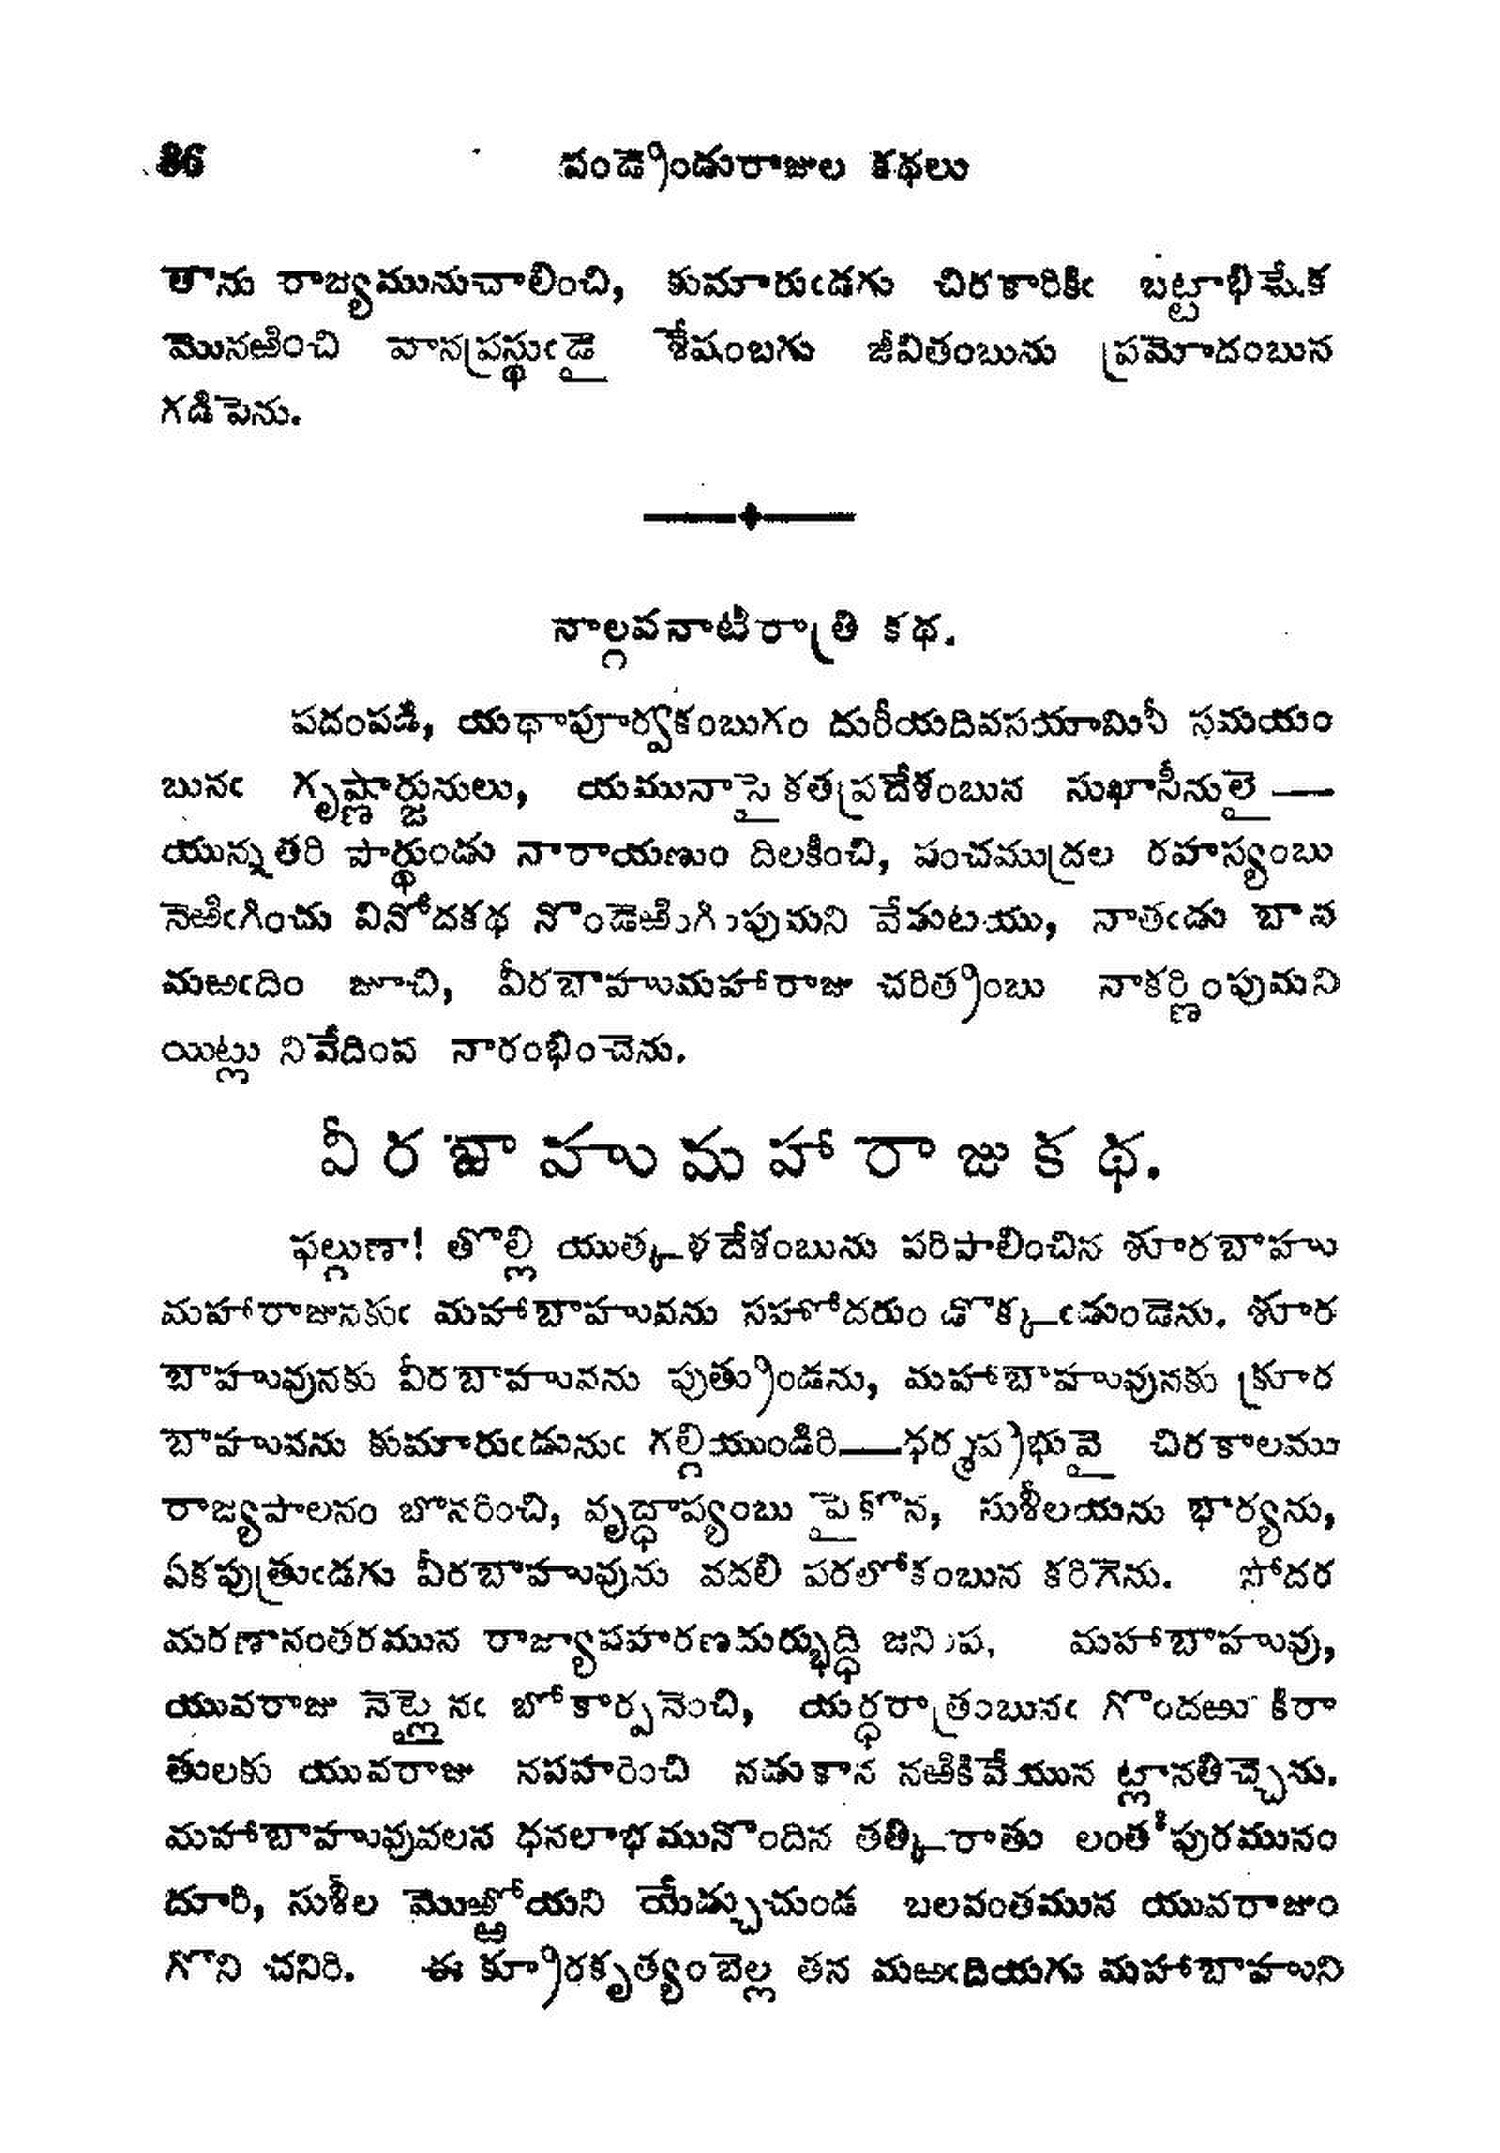తాను రాజ్యమును చాలించి, కుమారుఁడగు చిరకారికిఁ బట్టాభిషేక మొనఱించి వానప్రస్థుఁడై శేషంబగు జీవితంబును ప్రమోదంబున గడిపెను.

పదంపడి, యథాపూర్వకంబుగం దురీయ దివసయామినీ సమయంబునఁ గృష్ణార్జునులు, యమునా సైకత ప్రదేశంబున సుఖాసీనులై——యున్న తరి పార్థుండు నారాయణుం దిలకించి, పంచముద్రల రహస్యంబు నెఱిఁగించు వినోదకథ నోండెఱింగింపుమని వేడుటయు, నాతఁడు బావమఱఁదిం జూచి, వీరబాహుమహారాజు చరిత్రంబు నాకర్ణింపుమని యిట్లు నివేదింప నారంభించెను,

ఫల్గుణా! తొల్లి యుత్కళ దేశంబును పరిపాలించిన శూరబాహు మహారాజునకుఁ మహాబాహువను సహోదరుం డొక్కఁడుండెను. శూరబాహువునకు వీరబాహువను పుత్రుండను, మహాబాహువునకు క్రూరబాహువను కుమారుఁడునుఁ గల్గియుండిరి——ధర్మప్రభువై చిరకాలము రాజ్యపాలనం బొనరించి, వృద్ధాప్యంబు పైకొన, సుశీలయను భార్యను, ఏక పుత్రుఁడగు వీరబాహువును వదలి పరలోకంబున కరిగెను. సోదర మరణానంతరమున రాజ్యాపహరణ దుర్భుద్ధి జనింప, మహాబాహువు, యువరాజు నెట్లెనఁ బోకార్పనెంచి, యర్ధరాత్రంబునఁ గొందఱు కిరాతులకు యువరాజు నపహరించి నడుకాన నఱికి వేయున ట్లానతిచ్చెను.
మహాబాహువువలన ధనలాభమునొందిన తత్తిరాతు లంతఃపురమునం దూరి, సుశీల మొఱ్ఱోయని యేడ్చుచుండ బలవంతమున యువరాజుం గొని చనిరి. ఈ క్రూరకృత్యం బెల్ల తన మఱఁదియగు మహాబాహుని